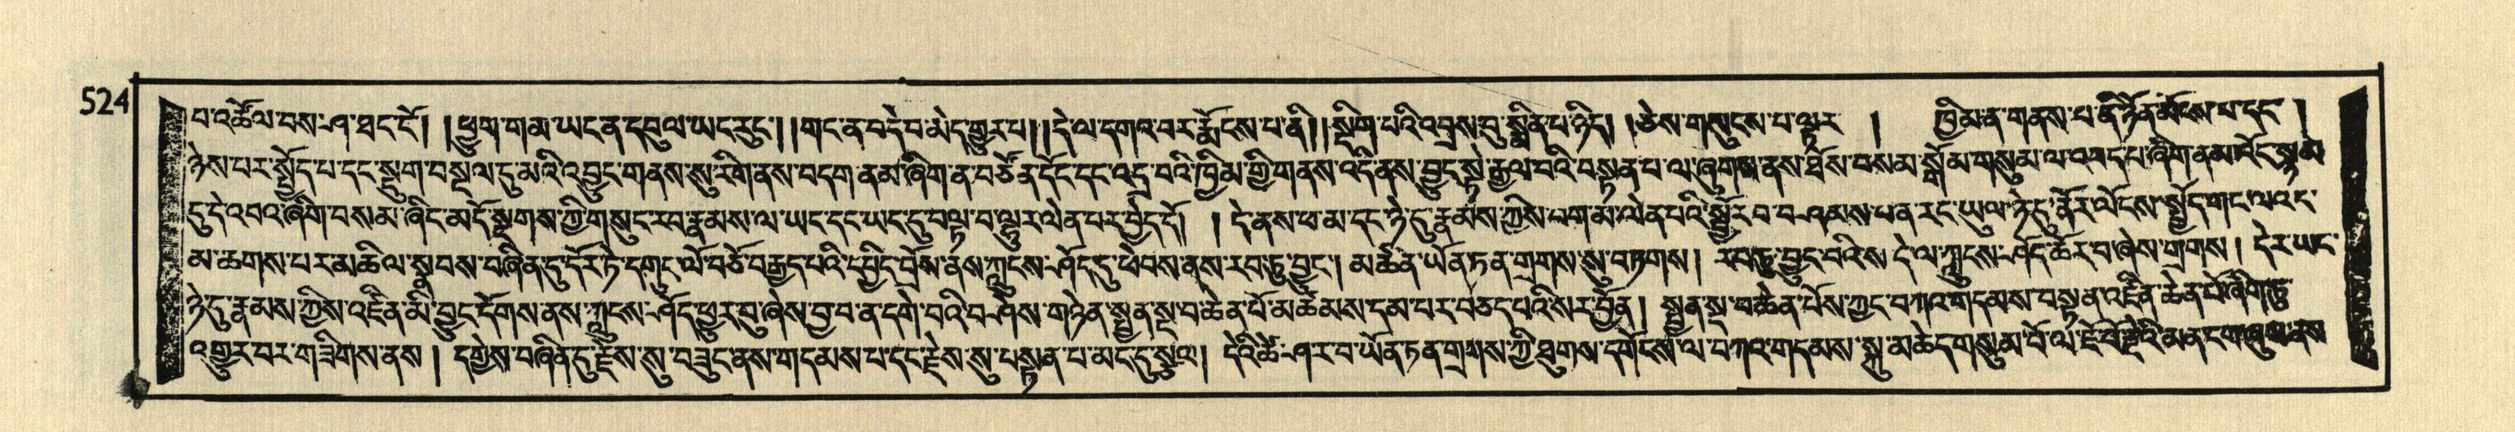པ་འཚོལ་བས་ཤ་ཐང་ངོ། །ཕྱུག་གམ་ཡང་ན་དབུལ་ཡང་རུང་། །གང་ན་བདེ་བ་མེད་གྱུར་པ། །དེ་ལ་དགའ་བར་རྨོངས་པ་ནི། །སྡིག་པའི་འབྲས་བུ་སྨིན་པ་ཉིད། །ཅེས་གསུངས་པ་ལྟར། ཁྱིམ་ན་གནས་པ་ནི་ཉོན་མོངས་པ་དང་།
ཉེས་པར་སྤྱོད་པ་དང་སྡུག་བསྔལ་དུ་མའི་འབྱུང་གནས་སུ་རིག་ནས་བདག་ནམ་ཞིག་ན་བཙོན་དོང་དང་འདྲ་བའི་ཁྱིམ་གྱི་གནས་འདི་ནས་བྱུང་སྟེ་རྒྱལ་བའི་བསྟན་པ་ལ་ཞུགས་ལས་ཐོས་བསམ་སྒོམ་གསུམ་ལ་འབད་པ་ཞིག་ནམ་འོང་སྙམ་
དུ་དེ་འབའ་ཞིག་བསམ་ཞིང་མདོ་སྔགས་ཀྱི་གསུང་རབ་རྣམས་ལ་ཡང་དང་ཡང་དུ་བལྟ་བ་ལྷུར་ལེན་པར་བྱེད་དོ། །དེ་ནས་ཕ་མ་དང་ཉེ་དུ་རྣམས་ཀྱིས་བག་མ་ལེན་པའི་སྦྱོར་བ་བཤམས་པན་རང་ཡུལ་ཉེ་དུ་ནོར་ལོངས་སྤྱོད་གང་ལའང་
མ་ཆགས་པར་མཆིལ་སྣབས་བཞིན་དུ་དོར་ཏེ་དགུང་ལོ་བཅོ་བརྒྱད་པའི་དབྱིད་བྲོས་ནས་ཀླུངས་ཤོད་དུ་ཕེབས་ནས་རབ་ཏུ་བྱུང་། མཚན་ཡོན་ཏན་གྲགས་སུ་བཏགས། རབ་ཏུ་བྱུང་བའི་ས་དེ་ལ་ཀླུངས་ཤོད་ཆོར་བ་ཞེས་གྲགས། དེར་ཡང་
ཉེ་དུ་རྣམས་ཀྱིས་འཛིན་མི་བྱུང་དོགས་ནས་ཀླུངས་ཤོད་ཕྱུར་བུ་ཞེས་བྱ་བ་ན་དགེ་བའི་བཤེས་གཉེན་སྤྱན་སྔ་བ་ཆེན་པོ་མཚམས་དམ་པར་བཅད་པའི་སར་བྱོན། སྤྱན་སྔ་བ་ཆེན་པོས་ཀྱང་བཀའ་གདམས་བསྟན་འཛིན་ཆེན་པོ་ཞིག་ཏུ་
འགྱུར་བར་གཟིགས་ནས། དགྱེས་བཞིན་དུ་རྗེས་སུ་བཟུང་ནས་གདམས་པ་དང་རྗེས་སུ་བསྟན་པ་མང་དུ་སྩལ། དེའི་ཚེ་ཤ་ར་བ་ཡོན་ཏན་གྲགས་ཀྱི་ཐུགས་དགོངས་ལ་བཀའ་གདམས་སྐུ་མཆེད་གསུམ་པོ་ལ་ཇོ་བོ་རྗེའི་མན་ངག་ཞུས་ནས་